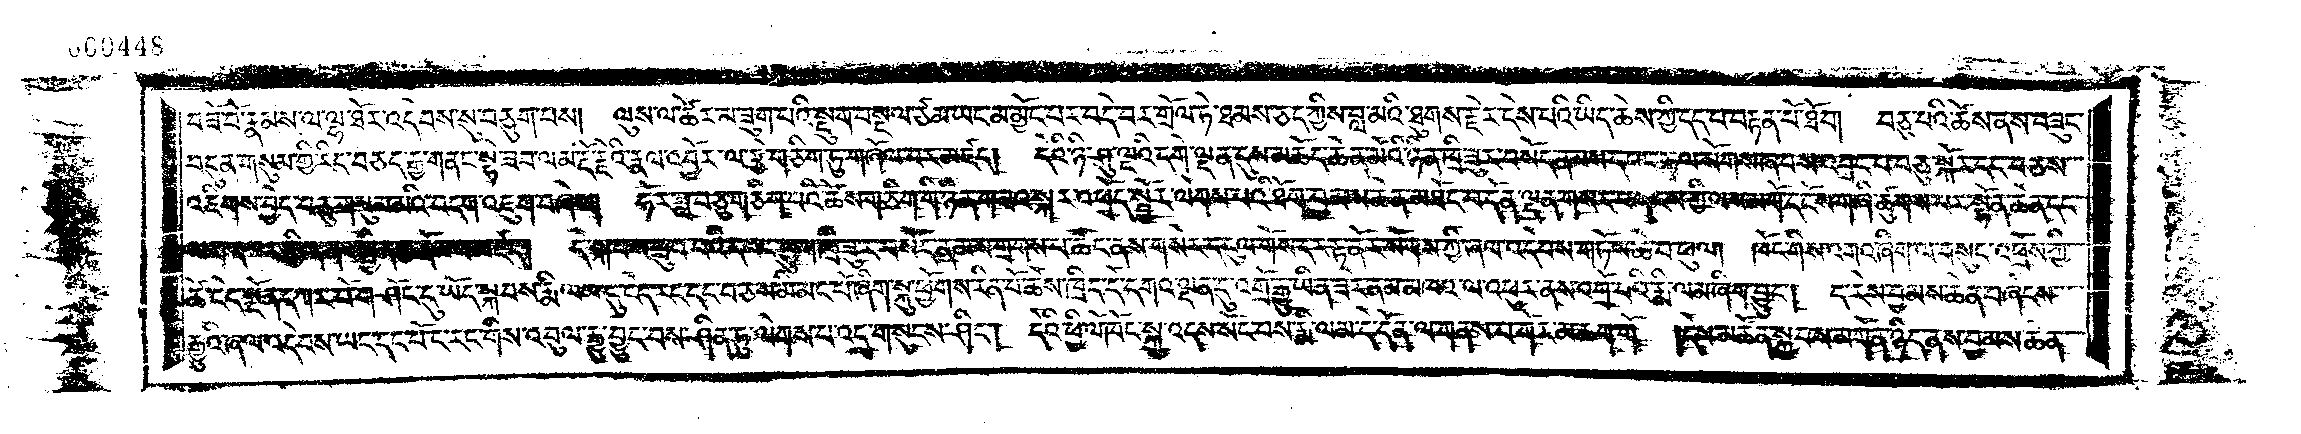བཟོ་བོ་རྣམས་ལ་ལྷ་ཐོར་འདེབས་སུ་བཅུག་པས། ལུས་ལ་ཚེར་མ་ཟུག་པའི་སྡུག་བསྔལ་ཙམ་ཡང་མ་མྱོང་པར་བདེ་བར་གྲོལ་ཏེ་ཐམས་ཅད་ཀྱིས་བླ་མའི་ཐུགས་རྗེར་དེས་པའི་ཡིད་ཆེས་ཀྱི་དད་པ་བརྟན་པོ་ཐོབ། བཅུ་པའི་ཚེས་ནས་བཟུང་
བདུན་གསུམ་གྱི་རིང་བཅད་རྒྱ་གནང་སྟེ་ཟབ་ལམ་རྡོ་རྗེའི་རྣལ་འབྱོར་ལ་རྩེ་གཅིག་ཏུ་གཞོལ་བར་མཛད། དེའི་ཉི་ཤུ་ལྔའི་དགེ་ལྡན་དུས་མཆོད་ཆེན་མོའི་ཉིན་ཁྲི་ཟུར་བསོད་ནམས་དབང་རྒྱལ་སོགས་ཞབས་འབྲང་པ་བཅུ་སྐོར་དང་བཅས་
འཇིགས་བྱེད་བཅུ་གསུམ་མའི་བདག་འཇུག་བཞེས། ཧོར་ཟླ་བཅུ་གཅིག་པའི་ཚེས་གཅིག་གི་ཉིན་གཟའ་སྐར་འཕྲོད་སྦྱོར་ལེགས་པའི་ཐོག་བྱམས་ཆེན་མཐོང་བ་དོན་ལྡན་གསར་བཞེངས་ཀྱི་ལས་མགོ་དངོས་གཞི་ཚུགས་པར་སྟོན་ཆེན་དང་
ལག་དཀར་གྱི་གནང་སྦྱིན་གྱ་ནོམ་པ་མཛད། དེ་སྐབས་གྲུབ་པའི་དབང་ཕྱུག་ཁྲི་ཟུར་བསོད་ནམས་གྲགས་པ་ཚང་ནས་གསེར་དངུལ་གོས་དར་རྟ་ནོར་སོགས་ཀྱི་ཞལ་འདེབས་གཏོས་ཆེ་བ་ཕུལ། ཁོང་གིས་འགའ་ཞིག་ལ་གསུང་འཕྲོས་ཀྱི་
ཚེ་ངེད་སྔོན་དཀར་པོ་གཤོང་དུ་ཡོད་སྐབས་རྨི་ལམ་དུ་ངེད་རང་དང་བཅས་མི་མང་པོ་ཞིག་སྐུ་ཕྱོགས་རིན་པོ་ཆེས་ཁྲིད་དེ་དགའ་ལྡན་དུ་འགྲོ་རྒྱུ་ཡིན་ཟེར་ནམ་མཁའ་ལ་འཕུར་ནས་འགྲོ་པའི་རྨི་ལམ་ཞིག་བྱུང་། ད་རེས་བྱམས་ཆེན་བཞེངས་
རྒྱུའི་ཞལ་འདེབས་ཡང་དང་པོ་ང་རང་གིས་འབུལ་རྒྱུ་བྱུང་བས་ཤིན་ཏུ་ལེགས་པ་འདྲ་གསུངས་ཤིང་། དེའི་ཕྱི་ལོ་ཁོང་སྐུ་འདས་སོང་བས་རྨི་ལམ་དེ་དོན་ལ་གནས་པ་གོར་མ་ཆག་གོ །དེས་མཚོན་སྐྱབས་མགོན་ཉིད་ནས་བྱམས་ཆེན་